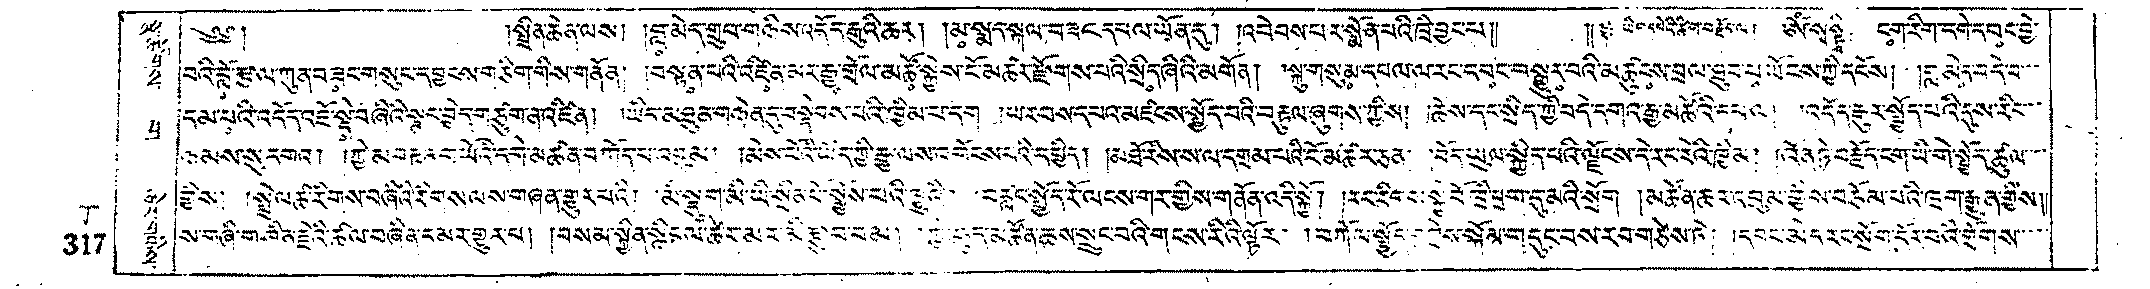༄༅། །སྤྲིན་ཆེན་ལས། །བླ྾་མེད་གྲུབ་གཉིས་འདོད་རྒུའི་ཆར། །མ྾་སྨད་སྐལ་བཟང་དཔལ་ཡོན་དུ། །འབེབས་པར་སྨོན་པའི་ཁྲི་བྱང་པ།། །། འ་ཡིག་དཔེའི་ཚིག་བརྗོད་ལ།  ཨོཾ་སྭསྟྭི། ངག྾་རིག་དགེ་དབང྾་བྱེ་
བའི་བློ྾་རྩལ་ཀུན་བཟང྾་གསུང་དབྱངས་གཅིག་གིས་གནོན། །བསྟན྾་པའི་འཛིན྾་མར་རྒྱ྾་གྲོལ་མཚོ྾་སྐྱེས་ངོ་མཚར་རྫོགས་པའི་སྲིད྾་ཞིའི་མགོན། །སྐུ་གསུམ྾་དཔལ་ལ་རང་དབང྾་བསྒྱུར྾་བའི་མཚུངས྾་བྲལ་ཐུབ་པ྾་ཡོངས་ཀྱི་དངོས། །གླ་མེད྾་བདེ་བ་་་
དམ་པའི྾་འདོད་འཇོ་སྡེ྾་བཞིའི་སྣང་བྱེད་གཙུག་ན་འཛིན། །ཡིད་མཐུན་གཉེན་དུ་བསྡེབས་པའི་ཁྱིམ་པ་དག །ཡ་རབས་དཔའ་མཛངས་སྤྱོད་པའི་བརྟུལ་ཞུགས་ཀྱིས། །ཆོས་དང་སྲིད་ཀྱི་བདེ་དགའ་རྒྱ་མཚོའི་དཔལ། །འདོད་རྒུར་སྤྱོད་པའི་དུས་རིང་་་
ཉམས་སུ་དགའ། །ཀྱེ་མ་བརྟན་གཡོའི་དགེ་མཚན་བཀོད་པ་འབུམ། །མེས་པོའི་ཡིད་ཀྱི་རྒྱ་ལས་འགོངས་པའི་དཔྱིད། །མཐོ་རིས་ས་ལ་དགྲམ་པའི་ངོ་མཚར་ཅན། །བོད་ཡུལ་སྐྱིད་པའི་ལྗོངས་དེ་རང་རེའི་ཁྱིམ། །འོན་ཏེ་བརྗོད་ངག་ཡི་གེ་སྤྱོད་ཚུལ་་་
གྱིས། །སྤྲེལ་ཚ་རིགས་བཞིའི་རིགས་ལས་གཞན་གྱུར་པའི། །མི་སྡུག་མི་ཡི་སྲིན་པོ་སྨྱོས་པའི་ཁྱུའི། །བརླང་སྤྱོད་རོ་ལངས་གར་གྱིས་གནོན་འདི་སྐྱོ། །རང་རིགས་སྐྱེ་བོ་ཁྲི་ཕྲག་དུ་མའི་སྲོག །མཚོན་ཆར་འབུམ་གྱིས་བཅོམ་པའི་ཁྲག་རྒྱུན་གྱིས།།
ས་གཞི་གཤིན་རྗེའི་ཚལ་བཞིན་དམར་གྱུར་པ། །བསམ་སྐྱིན་སྙིང་ལ་ཚེར་མར་མི་རྩུབ་བམ། །ཀྱེ་ཧུད་མཚོན་ཆས་སྲུང་བའི་གངས་རིའི་ལྟོར། །བཀོལ་སྤྱོད་བཀྲེས་སྐོམ་གདུང་བས་རབ་གཙེས་ཏེ། །དབང་མེད་རང་སྲོག་དོར་བའི་གྲོགས་་་